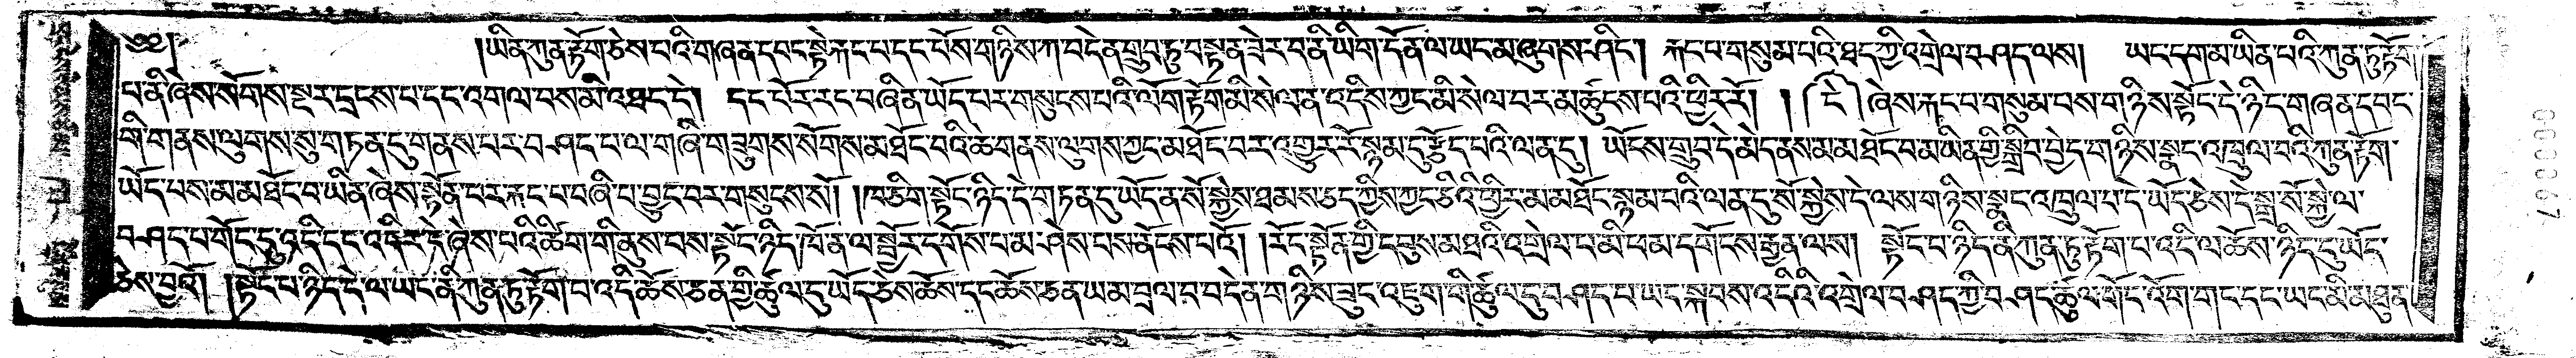༄༅། །ཡིན་ཀུན་རྟོག་ཅེས་པའི་གཞན་དབང་སྟེ་རྐང་པ་དང་པོས་གཉིས་ཀ་བདེན་གྲུབ་ཏུ་བསྟན་ཟེར་བ་ནི་ཡིག་དོན་ལ་ཡང་མ་ཞུགས་ཤིང་། རྐང་པ་གསུམ་པའི་ཐད་ཀྱི་འགྲེལ་བཤད་ལས། ཡང་དག་མ་ཡིན་པའི་ཀུན་ཏུ་རྟོག་
པ་ནི་ཞེས་སོགས་སྔར་དྲངས་པ་དང་འགལ་བས་མི་འཐད་དེ། དང་པོར་རང་བཞིན་ཡོད་པར་གསུངས་པའི་ལོག་རྟོག་མི་སེལ་ན་འདིས་ཀྱང་མི་སེལ་བར་མཚུངས་པའི་ཕྱིར་རོ། །༼ངེ༽ ཞེས་རྐང་པ་གསུམ་པས་གཉིས་སྟོང་དེ་ཉིད་གཞན་དབང་
གི་གནས་ལུགས་སུ་གཏན་དུ་གནས་པར་བཤད་པ་ལ་གཞི་གཟུགས་སོགས་མཐོང་བའི་ཚེ་གནས་ལུགས་ཀྱང་མཐོང་བར་འགྱུར་རོ་སྙམ་དུ་རྩོད་པའི་ལན་དུ། ཡོངས་གྲུབ་དེ་མེད་ནས་མ་མཐོང་བ་མ་ཡིན་གྱི་སྒྲིབ་བྱེད་གཉིས་སྣང་འཁྲུལ་བའི་ཀུན་རྟོག་
ཡོད་པས་མ་མཐོང་བ་ཡིན་ཞེས་སྟོན་པར་རྐང་པ་བཞི་པ་བྱུང་བར་གསུངས་སོ། །ཁ་ཅིག་སྟོང་ཉིད་དེ་གཏན་དུ་ཡོད་ན་སོ་སྐྱེས་ཐམས་ཅད་ཀྱིས་ཀྱང་ཅིའི་ཕྱིར་མ་མཐོང་སྙམ་པའི་ལན་དུ་སོ་སྐྱེས་དེ་ལས་གཉིས་སྣང་འཁྲུལ་པ་དེ་ཡོད་ཅེས་དེ་སྒྲ་སོ་སྐྱེ་ལ་
བཤད་པ་གོང་དུ་འདི་དང་འདིར་དེ་ཞེས་པའི་ཚིག་གི་ནུས་པས་སྟོང་ཉིད་ཁོ་ན་ལ་སྦྱོར་དགོས་པ་མ་ཤེས་པས་ནོངས་པའོ། །རོང་སྟོན་གྱི་དབུས་མཐའི་འགྲེལ་པ་མི་ཕམ་དགོངས་རྒྱན་ལས། སྟོང་པ་ཉིད་ནི་ཀུན་ཏུ་རྟོག་པ་འདི་ལ་ཆོས་ཉིད་དུ་ཡོད་
ཅེས་བྱའོ། །སྟོང་པ་ཉིད་དེ་ལ་ཡང་ནི་ཀུན་ཏུ་རྟོག་པ་འདི་ཆོས་ཅན་གྱི་ཚུལ་དུ་ཡོད་ཅེས་ཆོས་དང་ཆོས་ཅན་ཡ་མ་བྲལ་བ་བདེན་གཉིས་ཟུང་འཇུག་གི་ཚུལ་དུ་བཤད་པ་ཡང་སྐབས་འདིའི་འགྲེལ་བཤད་ཀྱི་བཤད་ཚུལ་གོང་འོག་གང་དང་ཡང་མི་མཐུན་